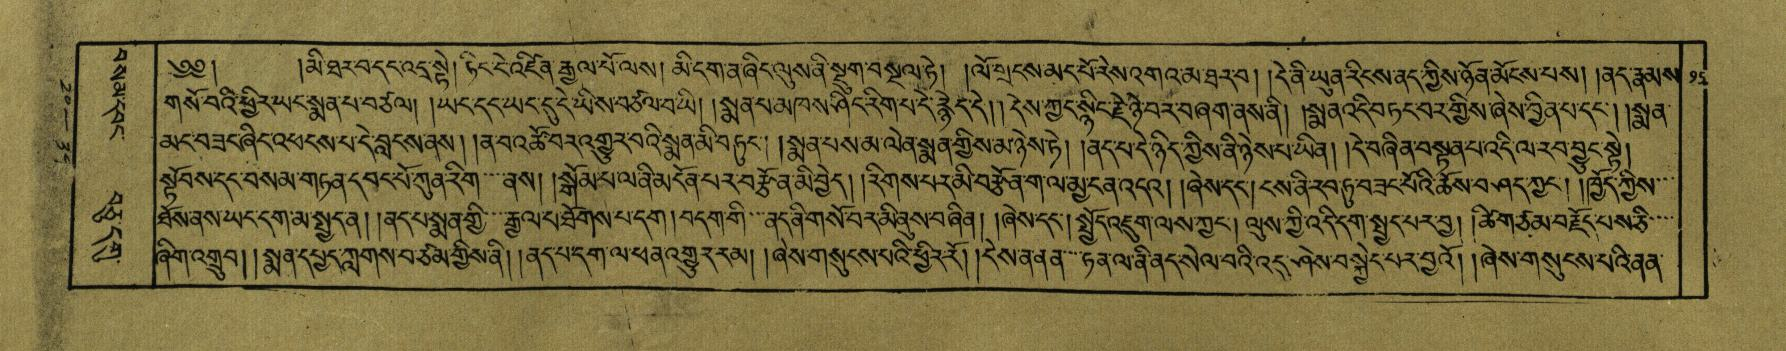༄༅། །མི་ཐར་བ་དང་འདྲ་སྟེ། ཏིང་ངེ་འཛིན་རྒྱལ་པོ་ལས། མི་དག་ན་ཞིང་ལུས་ནི་སྡུག་བསྔལ་ཏེ། །ལོ་གྲངས་མང་པོ་རེས་འགའ་མ་ཐར་བ། །དེ་ནི་ཡུན་རིངས་ནད་ཀྱིས་ཉོན་མོངས་པས། །ནད་རྣམས་
གསོ་བའི་ཕྱིར་ཡང་སྨན་པ་བཙལ། །ཡང་དང་ཡང་དུ་དེ་ཡིས་བཙལ་བ་ཡི། །སྨན་པ་མཁས་ཤིང་རིག་པ་དེ་རྙེད་དེ། །དེས་ཀྱང་སྙིང་རྗེ་ཉེ་བར་བཞག་ནས་ནི། །སྨན་འདི་བཏང་བར་གྱིས་ཞེས་བྱིན་པ་དང་། །སྨན་
མང་བཟང་ཞིང་འཕངས་པ་དེ་བླངས་ནས། །ན་བ་འཚོ་བར་འགྱུར་བའི་སྨན་མི་བཏུང་། །སྨན་པས་མ་ལེན་སྨན་གྱིས་མ་ཉེས་ཏེ། །ནད་པ་དེ་ཉིད་ཀྱིས་ནི་ཉེས་པ་ཡིན། །དེ་བཞིན་བསྟན་པ་འདི་ལ་རབ་བྱུང་སྟེ།
སྟོབས་དང་བསམ་གཏན་དབང་པོ་ཀུན་རིག་ནས། །སྒོམ་པ་ལ་ནི་མངོན་པར་བརྩོན་མི་བྱེད། །རིགས་པར་མི་བརྩོན་ག་ལ་མྱ་ངན་འདའ། །ཞེས་དང་། ངས་ནི་རབ་ཏུ་བཟང་པོའི་ཆོས་བཤད་ཀྱང་། །ཁྱོད་ཀྱིས་
ཐོས་ནས་ཡང་དག་མ་སྤྱད་ན། །ནད་པ་སྨན་གྱི་རྒྱལ་པ་ཐོགས་པ་དག །བདག་གི་ནད་ནི་གསོ་བར་མི་ནུས་བཞིན། །ཞེས་དང་། སྤྱོད་འཇུག་ལས་ཀྱང་། ལུས་ཀྱི་འདི་དག་སྤྱད་པར་བྱ། །ཚིག་ཙམ་བརྗོད་པས་ཅི་
ཞིག་འགྲུབ། །སྨན་དཔྱད་ཀླགས་བ་ཙམ་གྱིས་ནི། །ནད་པ་དག་ལ་ཕན་འགྱུར་རམ། །ཞེས་གསུངས་པའི་ཕྱིར་རོ། །དེས་ན་ནན་ཏན་ལ་ནི་ནད་སེལ་བའི་འདུ་ཤེས་བསྐྱེད་པར་བྱའོ། །ཞེས་གསུངས་པའི་ནན་